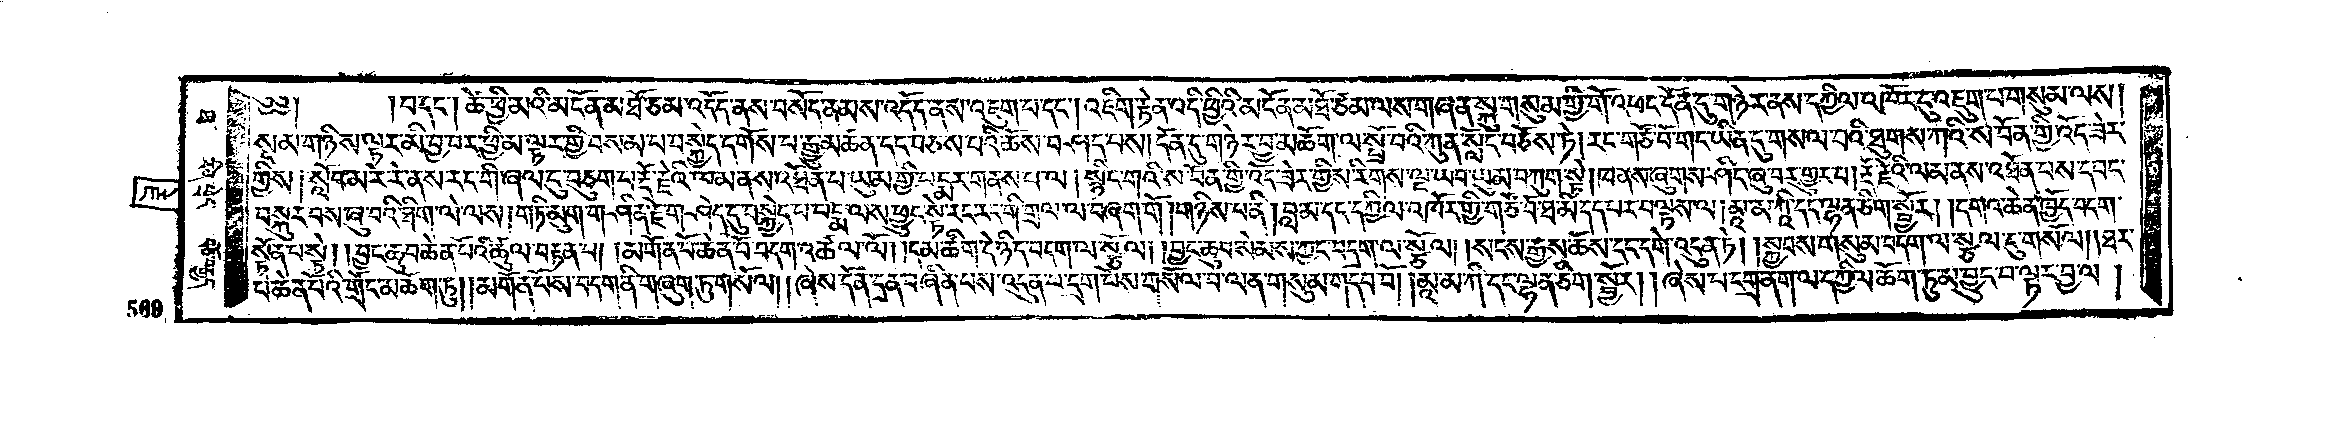༄༅། །པ་དང་། ཚེ་ཕྱི་མའི་མངོན་མཐོ་ཙམ་འདོད་ནས་བསོད་ནམས་འདོད་ནས་འཇུག་པ་དང་། འཇིག་རྟེན་འདི་ཕྱིའི་མངོན་མཐོ་ཙམ་ལས་གཞན་སྐུ་གསུམ་གྱི་གོ་འཕང་དོན་དུ་གཉེར་ནས་དཀྱིལ་འཁོར་དུ་འཇུག་པ་གསུམ་ལས།
སྔ་མ་གཉིས་ལྟར་མི་བྱ་བར་ཕྱི་མ་ལྟར་ཀྱི་བསམ་པ་བསྐྱེད་དགོས་པ་རྒྱུ་མཚན་དང་བཅས་པའི་ཆོས་བཤད་པས། དོན་དུ་གཉེར་བྱ་མཆོག་ལ་སྤྲོ་བའི་ཀུན་སློང་བཅོས་ཏེ། རང་གཙོ་བོ་གང་ཡིན་དུ་གསལ་བའི་ཐུགས་ཀའི་ས་བོན་གྱི་འོད་ཟེར་
གྱིས། སློབ་མ་རེ་རེ་ནས་རང་གི་ཞལ་དུ་བཅུག་པ་རྡོ་རྗེའི་ལམ་ནས་འཐོན་པ་ཡུམ་གྱི་པདམར་གནས་པ་ལ། སྙིང་གའི་ས་བོན་གྱི་འོད་ཟེར་གྱིས་རིགས་ལྔ་ཡབ་ཡུམ་བཀུག་སྟེ། ཁ་ནས་ཞུགས་ཤིང་ཞུ་བར་གྱུར་པ། རྡོ་རྗེའི་ལམ་ནས་འཐོན་པས་དབང་
བསྐུར་བས་ཞུ་བའི་ཐིག་ལེ་ལས། གཏི་མུག་གཤིན་རྗེ་གཤེད་དུ་བསྐྱེད་པ་པདམ་ལས་ཕྱུང་སྟེ་རང་རང་གི་གྲལ་ལ་བཞག་གོ །གཉིས་པ་ནི། བླ་མ་དང་དཀྱིལ་འཁོར་གྱི་གཙོ་བོ་ཐ་མི་དད་པར་བལྟས་ལ། མཱ་མ་ཀཱི་དང་ལྷན་ཅིག་སྦྱོར། །དགའ་ཆེན་ཁྱོད་བདག་
སྟོན་པ་སྟེ། །བྱང་ཆུབ་ཆེན་པོའི་ཚུལ་བརྟན་པ། །མགོན་པོ་ཆེན་པོ་བདག་འཚལ་ལོ། །དམ་ཚིག་དེ་ཉིད་བདག་ལ་སྩོལ། །བྱང་ཆུབ་སེམས་ཀྱང་བདག་ལ་སྩོལ། །སངས་རྒྱས་ཆོས་དང་དགེ་འདུན་ཏེ། །སྐྱབས་གསུམ་བདག་ལ་སྩལ་དུ་གསོལ། །ཐར་
པ་ཆེན་པོའི་གྲོང་མཆོག་ཏུ། །མགོན་པོས་བདག་ནི་གཞུག་ཏུ་གསོལ། །ཞེས་དོན་དྲན་བཞིན་པས་འདུན་པ་དྲག་པོས་གསོལ་བ་ལན་གསུམ་གདབ་བོ། །མཱ་མ་ཀི་དང་ལྷན་ཅིག་སྦྱོར། །ཞེས་པ་དགྲ་ནག་ལ་དཀྱིལ་ཆོག་ཏུ་མ་བྱུང་བ་ལྟར་བྱ་ལ། །